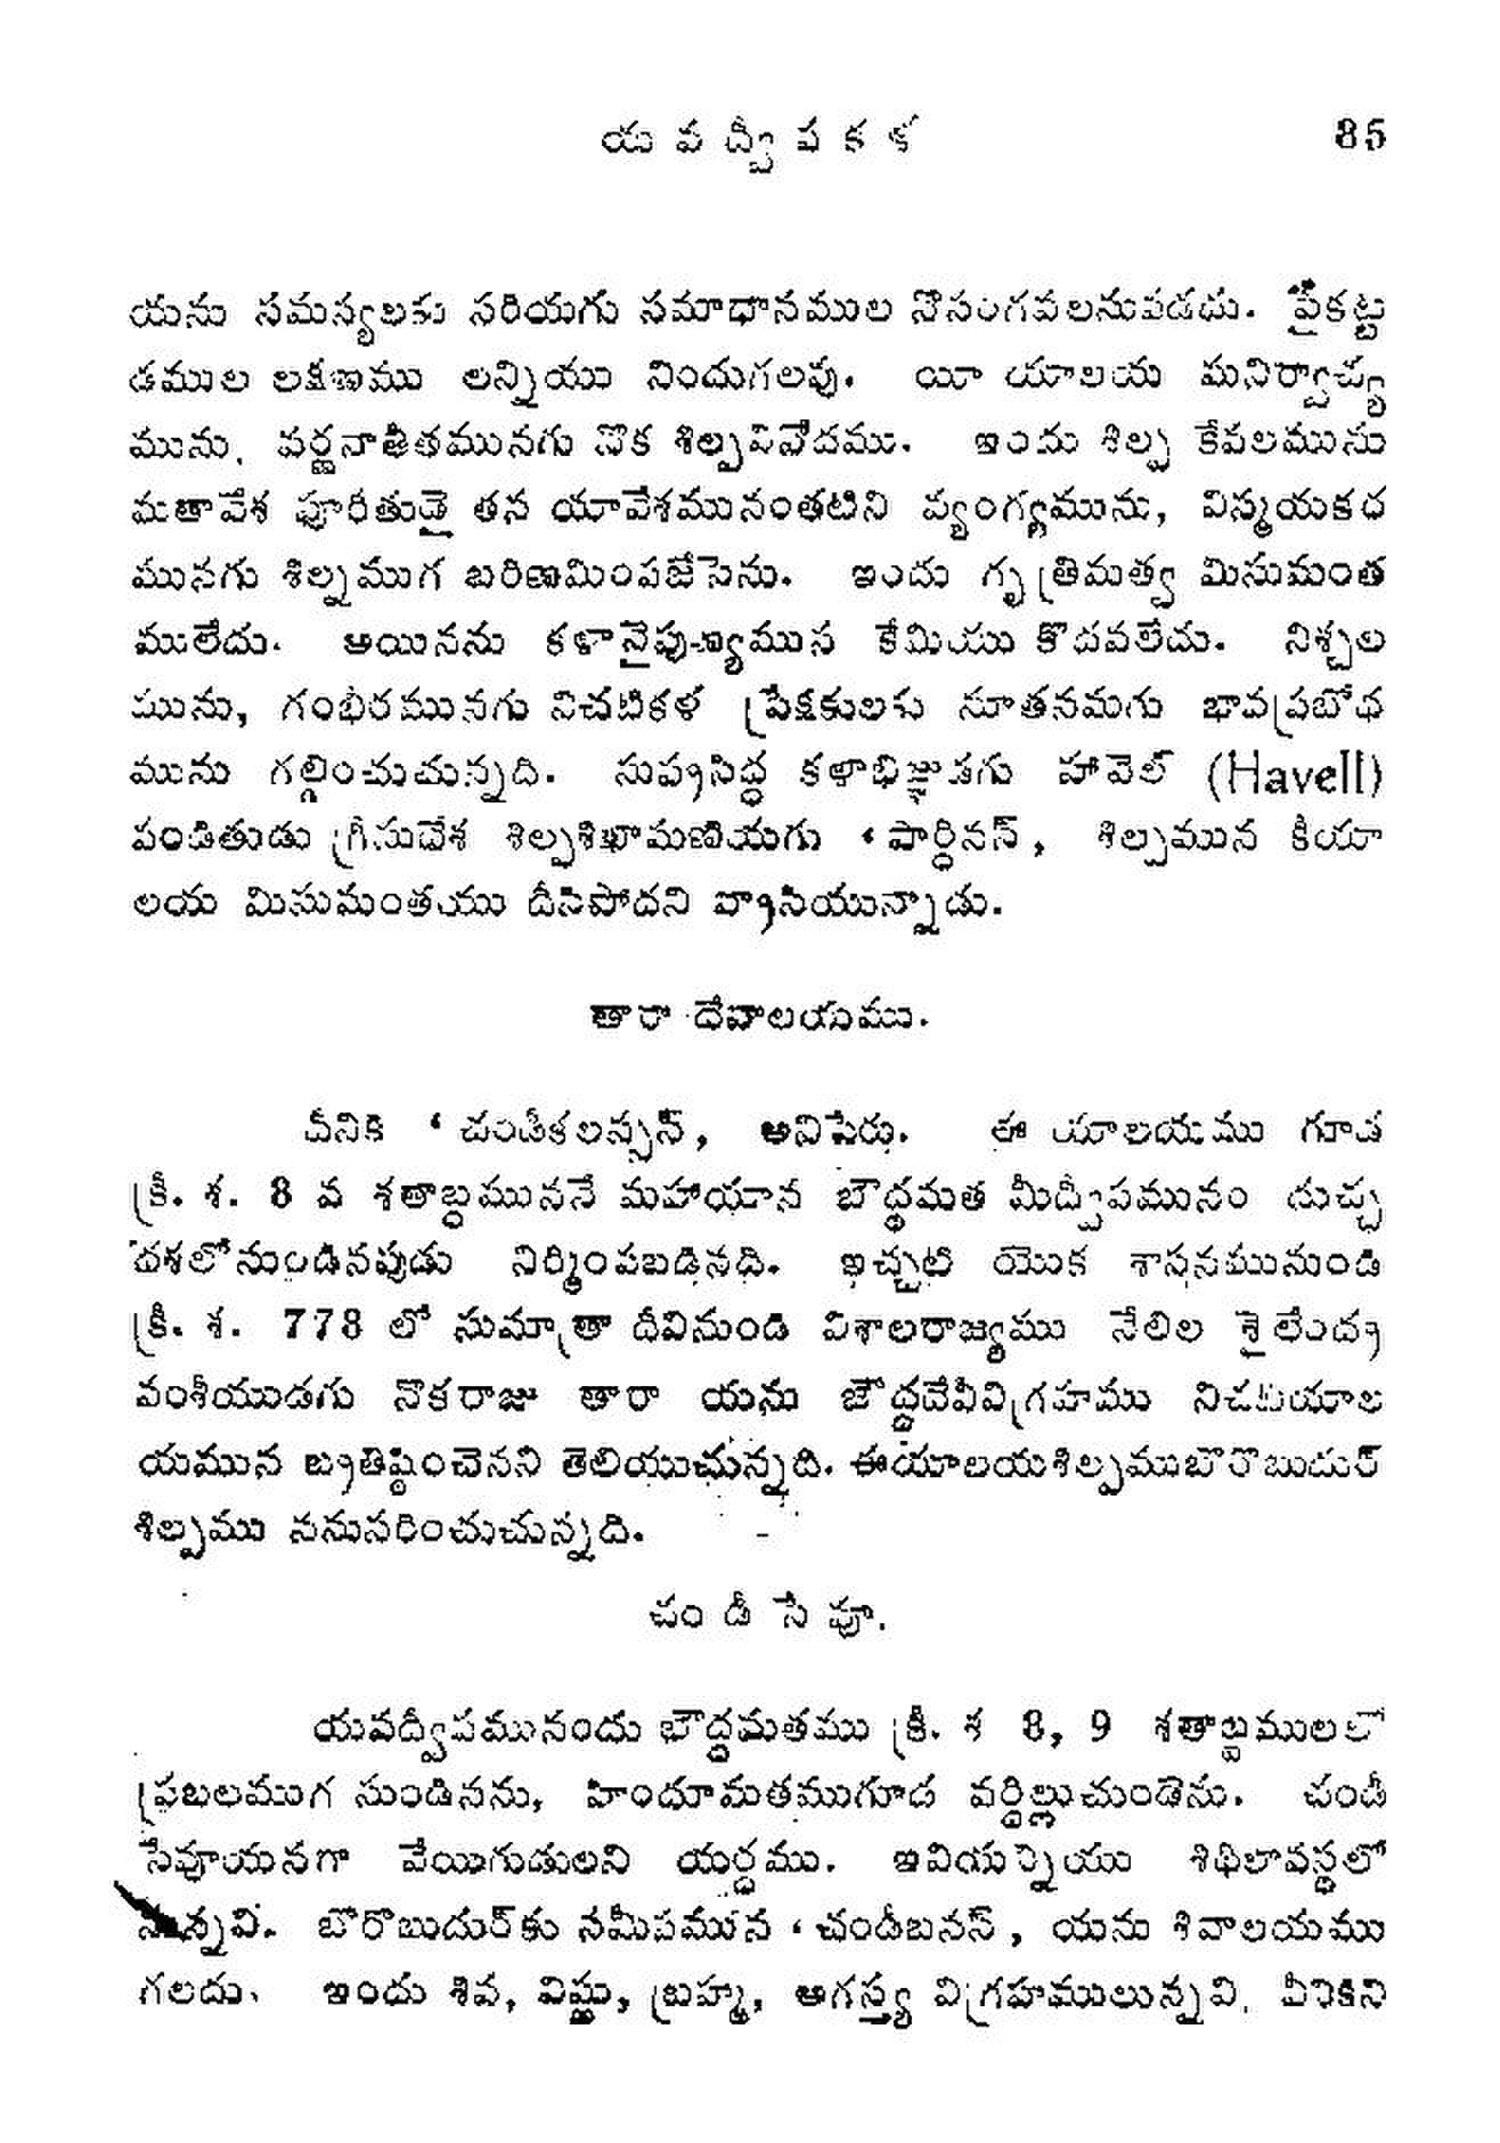యను సమస్యలకు సరియగు సమాధానముల నొసంగవలనుపడదు. పైకట్టడముల లక్షణము లన్నియు నిందుగలవు. యీ యాలయ మనిర్వాచ్యమును, వర్ణానాతీతమునగు నొక శిల్పవినోదము. ఇందు శిల్ప కేవలమును మతావేశ పూరితుడై తన యావేశమునంతటిని వ్యంగ్యమును,విస్మయకరమునగు శిల్నముగ బరిణమింపజేసెను. ఇందు గృత్రిమత్వ మిసుమంతము లేదు. అయినను కళానైపుణ్యమున కేమియు కొదవలేదు. నిశ్చలమును, గంభీరమునగు నిచటికళ ప్రేక్షకులకు నూతనమగు భావప్రబోధమును గల్గించుచున్నది. సుప్రసిద్ధ కళాభిజ్ఞుడగు హావెల్ (Havell) పండితుడు గ్రీసుదేశ శిల్పశిఖామణియగు 'పార్దినస్‌' శిల్పమున కీయాలయ మిసుమంతయు దీసిపోదని వ్రాసియున్నాడు.

దీనికి 'చండికలస్సస్‌' అనిపేరు. ఈ యాలయము గూడ క్రీ. శ. 8 వ శతాబ్దముననే మహాయాన బౌద్దమత మీద్వీపమునం దుచ్చ దశలోనుండినపుడు నిర్మింపబడినది. ఇచ్చటి యొక శాసనమునుండి క్రీ. శ. 778 లో సుమాత్రా దీవినుండి విశాలరాజ్యము నేలిల శైలేంద్ర వంశీయుడగు నొకరాజు తారా యను బౌద్దదేవీవిగ్రహము నిచటయాలయమున బ్రతిష్ఠించెనని తెలియుచున్నది. ఈయాలయశిల్పము బొరొబుదుర్ శిల్పము ననుసరించుచున్నది.

యవద్వీపమునందు బౌద్దమతము క్రీ. శ. 8, 9 శతాబ్దములలో ప్రబలముగ నుండినను, హిందూమతముగూడ వర్దిల్లుచుండెను. చండీ సేపూయనగా వేయిగడులని యర్దము. ఇవియన్నియు శిథిలావస్థలో నున్నవి. బొరొబుదుర్‌కు సమీపమున 'చండీబనన్‌' యను శివాలయము గలదు. ఇందు శివ, విష్ణు, బ్రహ్మ, అగస్త్య విగ్రహములున్నవి. వీనికిని